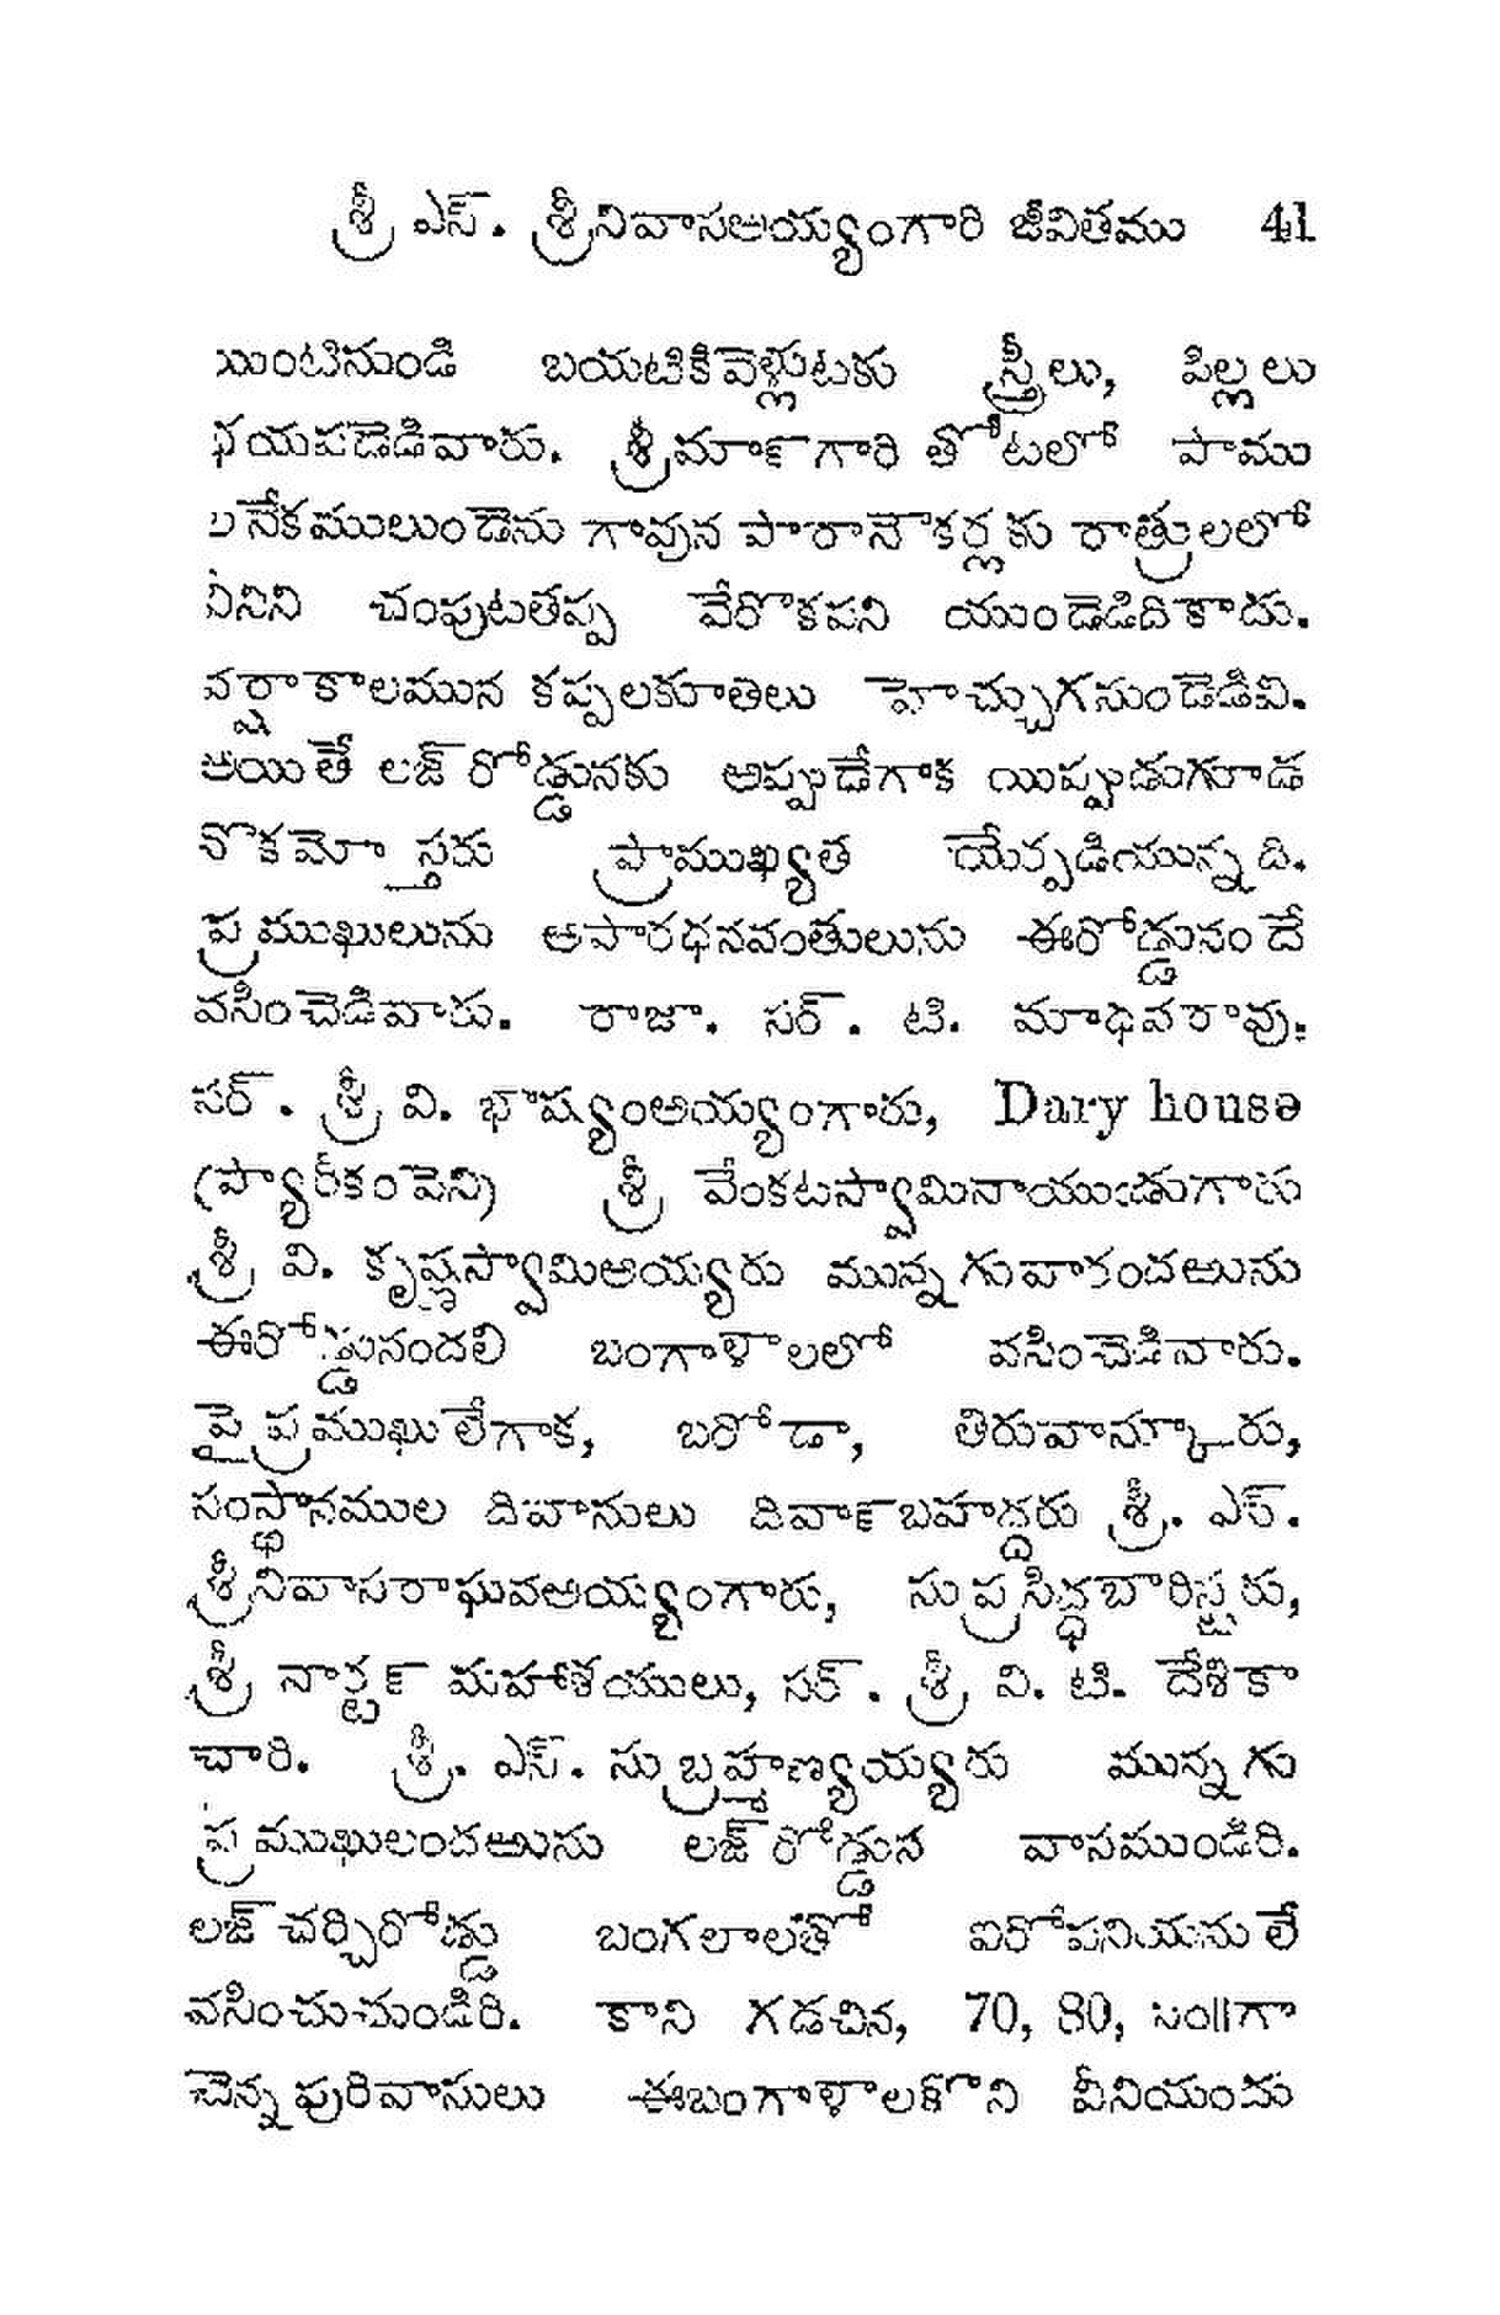యింటినుండి బయటికి వెళ్లుటకు స్త్రీలు, పిల్లలు భయపడెడివారు. శ్రీమా౯గారి తోటలో పాములనేకములుండెను గావున పారానౌకర్లకు రాత్రులలో వీనిని చంపుటతప్ప వేరొకపని యుండెడిదికాదు. వర్షాకాలమున కప్పలకూతలు హెచ్చుగనుండెడివి. అయితే లజ్ రోడ్డునకు అప్పుడేగాక యిప్పుడుగూడ నొకమోస్తరు ప్రాముఖ్యత యేర్పడియున్నది. ప్రముఖులును అపారధనవంతులును ఈరోడ్డునందే వసించెడివారు. రాజా, సర్. టి. మాధవరావు: సర్. శ్రీ వి. భాష్యంఅయ్యంగారు, Dary house (ప్యారీకంపెని) శ్రీ వేంకటస్వామినాయుడుగారు శ్రీ వి. కృష్ణస్వామిఅయ్యరు మున్నగువారందఱును ఈరోడ్డునందలి బంగాళాలలో వసించెడివారు. పైప్రముఖులేగాక, బరోడా, తిరువాన్కూరు, సంస్థానముల దివానులు దివా౯బహద్దరు శ్రీ. ఎస్. శ్రీనివాసరాఘవఅయ్యంగారు, సుప్రసిద్ధబారిస్టరు, శ్రీ నార్ట౯ మహాశయులు, సర్. శ్రీ వి. టి. దేశికాచారి. శ్రీ. ఎస్. సుబ్రహణ్యయ్యరు మున్నగు ప్రముఖులందఱును లజ్‌రోడ్డున వాసముండిరి. లజ్‌చర్చిరోడ్డు బంగలాలతో ఐరోపనియునులే వసించుచుండిరి. కాని గడచిన, 70, 80, సం||గా చెన్నపురివాసులు ఈబంగాళాలకొని వీనియందు